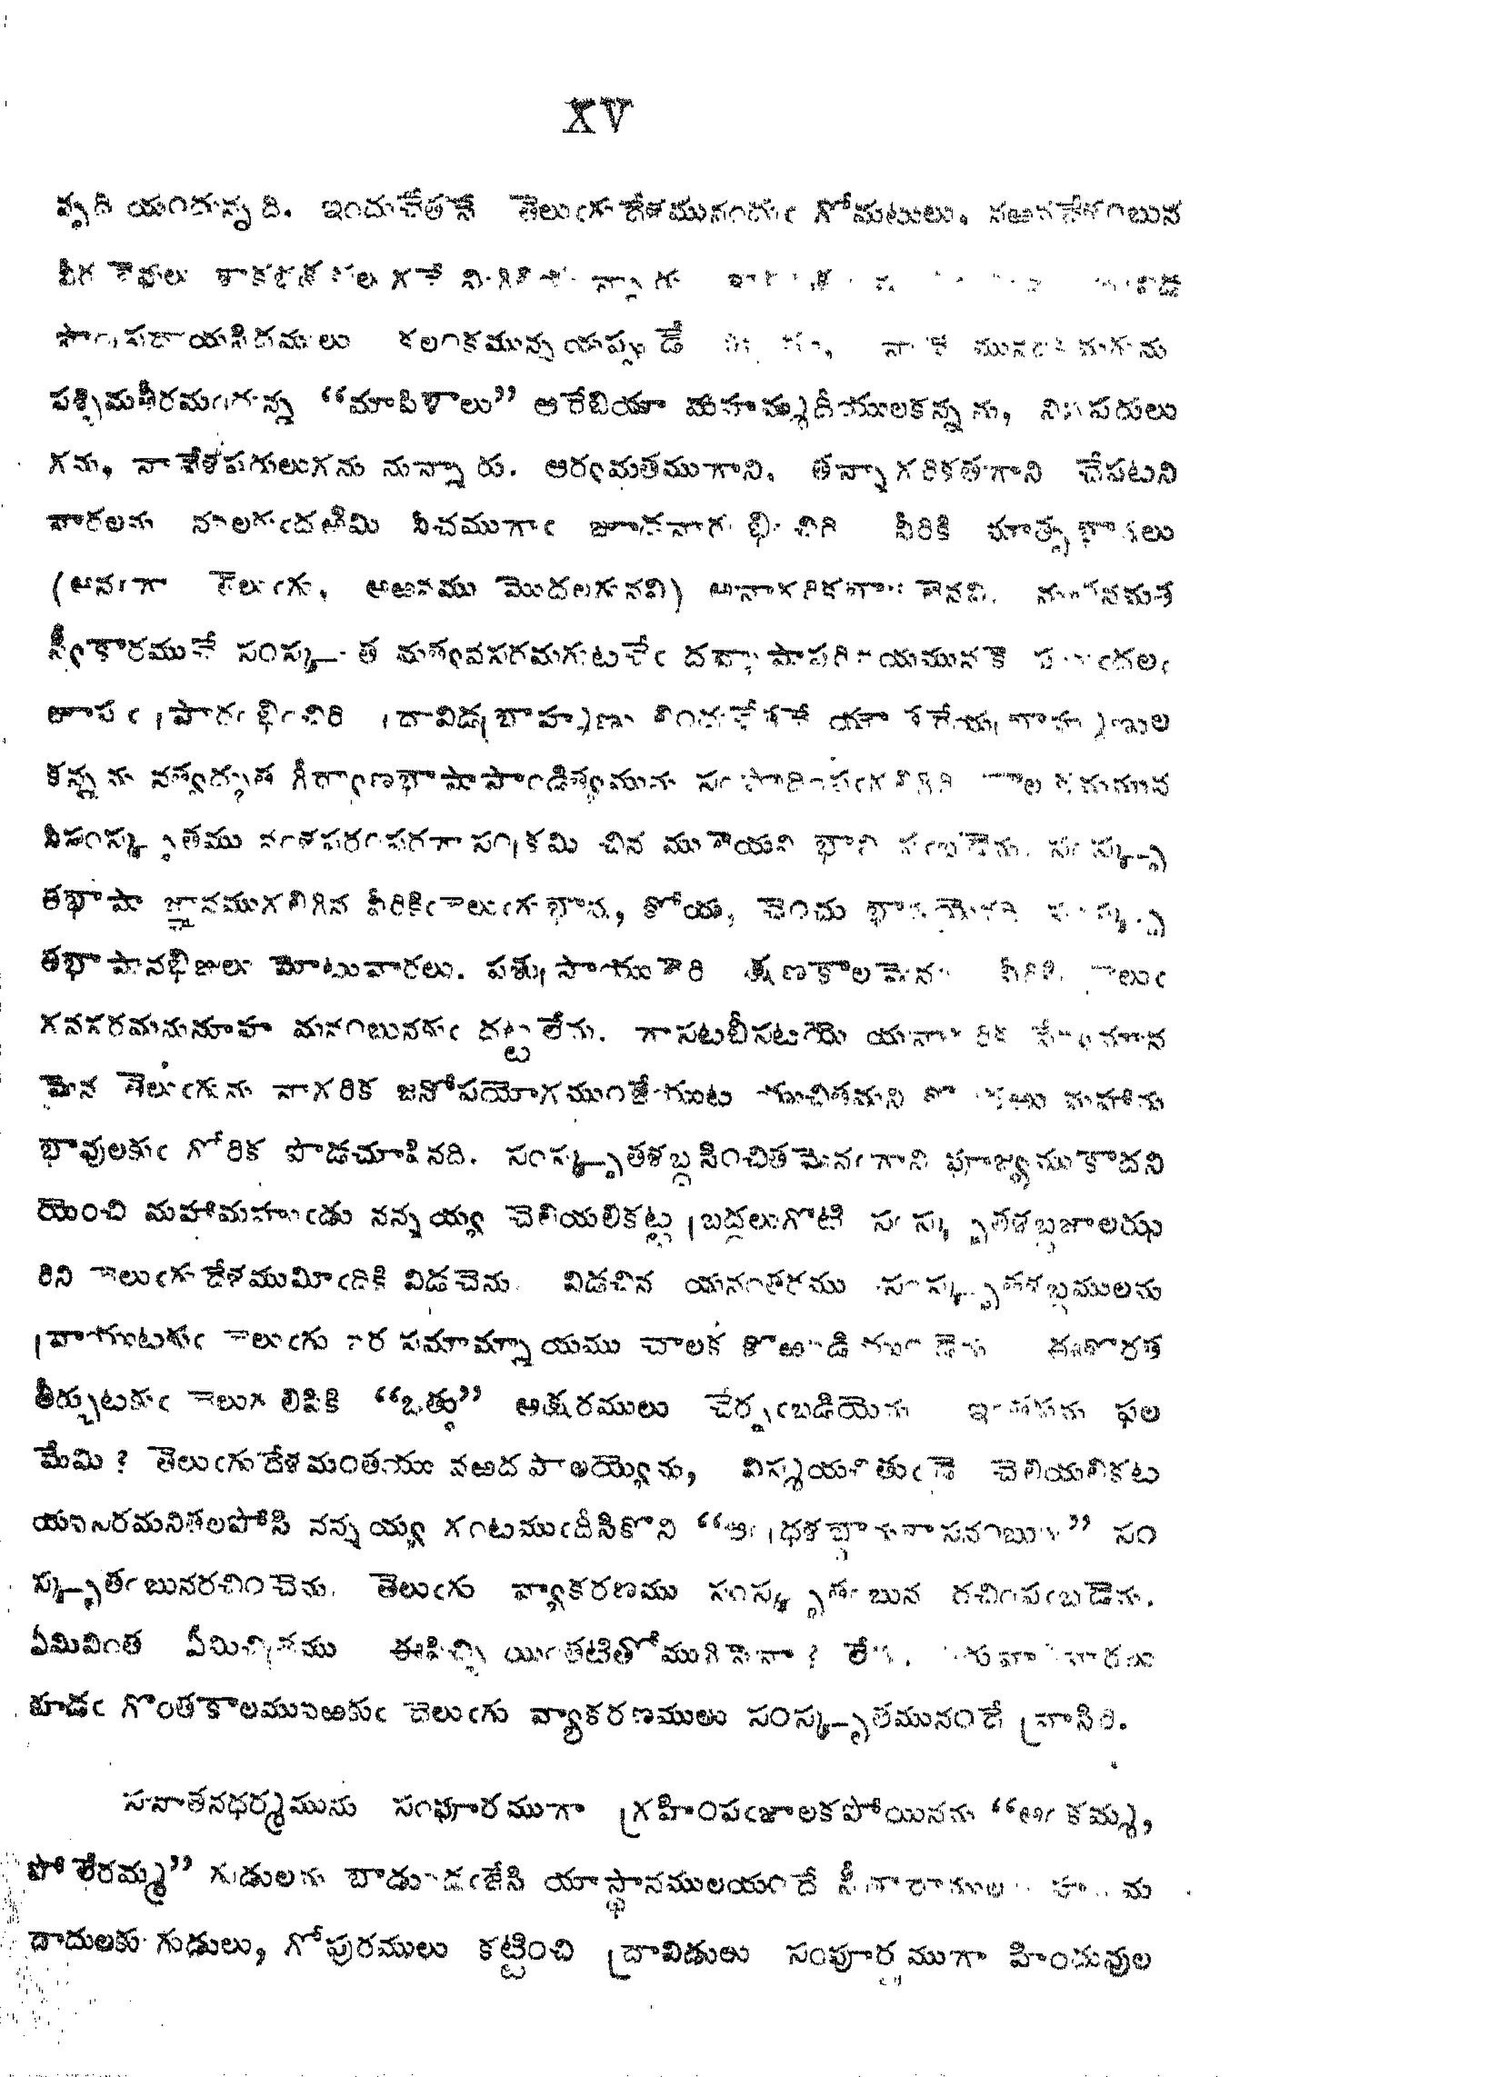-
వృద్ధియందున్నది. ఇందు చేతనే తెలుగు దేశమునందు గోమటులు, నరవ దేశమున 
వీర శైవులుశాఖ బక్షకులుగనే మిగిలి యున్నారు., ..............
.............,................................
పశ్చిమ తీరమదున్న "మాపిళాలు” అరేబియా మహమ్మదీయులకన్నను,నిబపరులు
గను, నా వేశపరులుగను నున్నారు. ఆర్వమతము గానీ, తన్నాగరికత గాని చేపట్టని
వారలను అవతలకు దరిమి నీచముగాఁ జూడ నారంబించిరి. వీరికీ మాత్రుభాషలు 
(అనగా తెలుగు, అరవము మొదలగునవి) అనాగరిక భాషలైనవి. .........మత
స్వీకారముచే సంస్కత ముత్యవసరమగుటకేఁ దద్భాషా పరిచయమునకై పట్టుదల 
జూప ప్రారంబించిరి. ద్రావిడ బ్రాహ్మణులిందు చేతనే యైతరేయ బ్రాహ్మణుల 
కన్నను నత్యద్భుత గీర్వాణ భాషాపాండిత్యమును సంపాదింప గలిగిరి: కాల గమనమున
నీసంస్కతము వంశ పరంపరగా సంక్రమించిన ముల్లెయని భావించబడెను.సంస్కృ 
తఖాషా జ్ఞానముగలిగిన వీరికి తెలుగు భాష కోయ, చెంచు భాష యైనది. సంస్కృ
తభాషావభిజులు మోటు వారలు. పశు ప్రాయులైరి. క్షణకాలమైన వీరికి ................ 
గనవసరమనునూహ మనంబుంకు దట్టలేదు. గాసటబీసటయై యనాగిరిక .....
మైన తెలుగును నాగరిక జనోపయోగమూజేయుట యుచితమని కొందరు మహాను
బావులకు గోరిక పొడచూపినది. సంస్కృత శబ్దనించితమైన గాని పూజ్యము కాదని 
యెంచి మహానుబావుడు నన్నయ్య చెలియలికట్ట బ్రద్దలు కొట్టి సంస్కృతశబ్ద జాలఝ్
రిని తెలుగు దేశముమీదికి విడచెను. విడిచిన యనంతరము సంస్కృత శబ్దములను 
వ్రాయుటకు నాలుగు స్వర సమామ్నాయము చాలక కొరబడి యుండెను. ఈ కొరత
తీర్చుటకు తెలుగు లిపికి "ఒత్తు " అక్షరములు చేర్చబడెను. ఇందుకును ఫల
మేమి? తెలుగు దేశమంతయు వరద పాలయ్యెను. విశ్మయచిత్తుడై చెలియలికట్ట 
యవసరమని తలపోసి నన్నయ గంటము దీసికొని " ఆంధ్ర శభ్దానుశాసనంబు "
సంస్కృతంబున రచించెను. తెలుగు వ్యాకరణము సంస్కృతంబున రచింపబడెను.
ఏమి వింత ఏమి చిత్రము .. ఈ పిచ్చి ఇంతటితో ముగిసెనా? లేదు. తెలుగు వారలు
కూడ కొంత కాలము వరకు తెలుగు వ్యాకరణములు సంస్కృతమునందే వ్రాసిరి. 

సనాతన ధర్మమును సంపూర్ణముగా గ్రహింపజాలక పోయినను " అంకమ్మ.
పోలేరమ్మ " గుడులగు బాడుండ జేసి యాస్థానములయందే సీతారాముల హనుమ
దాదులకు గుడులు, గోపురములు కట్టించి ద్రావిడులు సంపూర్ణముగా హిందువుల